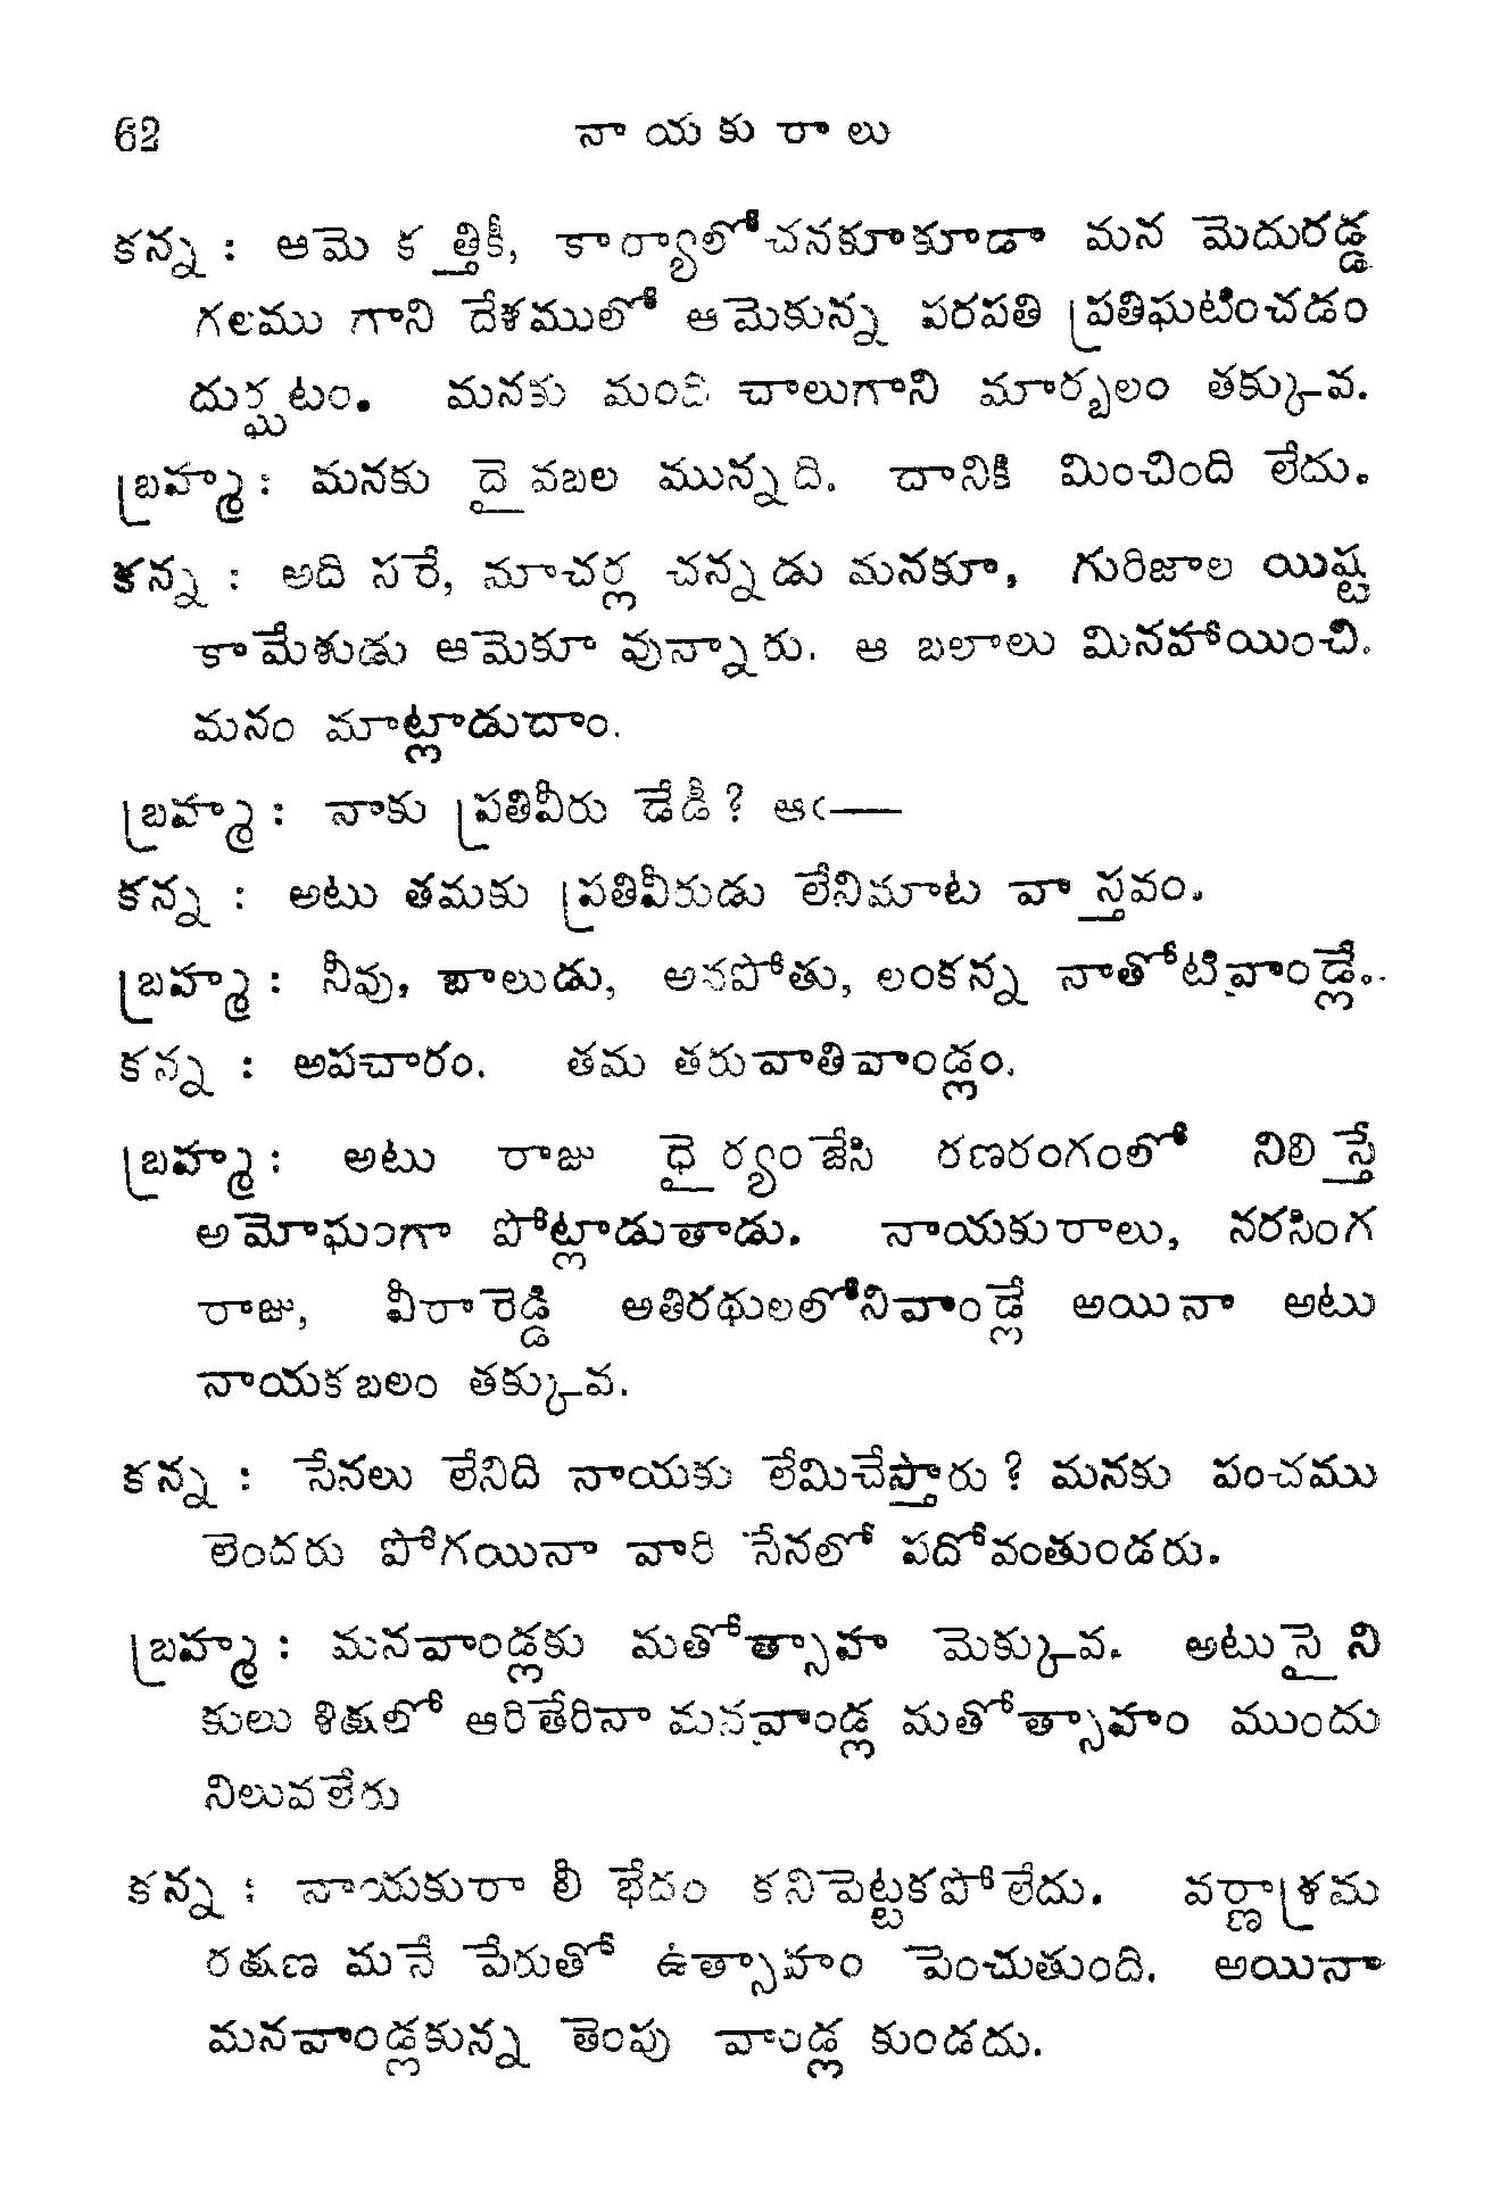కన్న : ఆమె కత్తికీ, కార్యాలోచనకూకూడా మన మెదురడ్డగలము గాని దేశములో ఆమెకున్న పరపతి ప్రతిఘటించడం దుర్ఘటం. మనకు మంది చాలుగాని మార్బలం తక్కువ.

బ్రహ్మ: మనకు దైవబల మున్నది. దానికి మించింది లేదు.

కన్న : అది సరే, మాచర్ల చన్నడు మనకూ, గురిజాల యిష్ట కామేశుడు ఆమెకూ వున్నారు. ఆ బలాలు మినహాయించి. మనం మాట్లాడుదాం.

బ్రహ్మ: నాకు ప్రతివీరు డేడీ ? ఆ(-

కన్న : అటు తమకు ప్రతివీరుడు లేనిమాట వాస్తవం.

బ్రహ్మ : నీవు, బాలుడు, అనపోతు, లంకన్న నాతోటివాండ్లే..

కన్న : అపచారం. తమ తరువాతి వాండ్లం.

బ్రహ్మ : అటు రాజు ధైర్యంజేసి రణరంగంలో నిలిస్తే అమోఘంగా పోట్లాడుతాడు. నాయకురాలు,
నరసింగరాజు, వీరా రెడ్డి అతిరథులలోనివాండ్లే అయినా అటు నాయకబలం తక్కువ.

కన్న : సేనలు లేనిది నాయకు లేమిచేస్తారు ? మనకు పంచము లెందరు పోగయినా వారి సేనలో పదోవంతుండరు.

బ్రహ్మ : మనవాండ్లకు మతోత్సాహ మెక్కువ. అటు సైనికులు శిక్షలో ఆరితేరినా మనవాండ్ల మతోత్సాహం ముందు నిలువలేరు

కన్న : నాయకురా లీ భేదం కనిపెట్టకపోలేదు. వర్ణాశ్రమ రక్షణ మనే పేరుతో ఉత్సాహం పెంచుతుంది.
అయినా మనవాండ్లకున్న తెంపు వాండ్ల కుండదు.